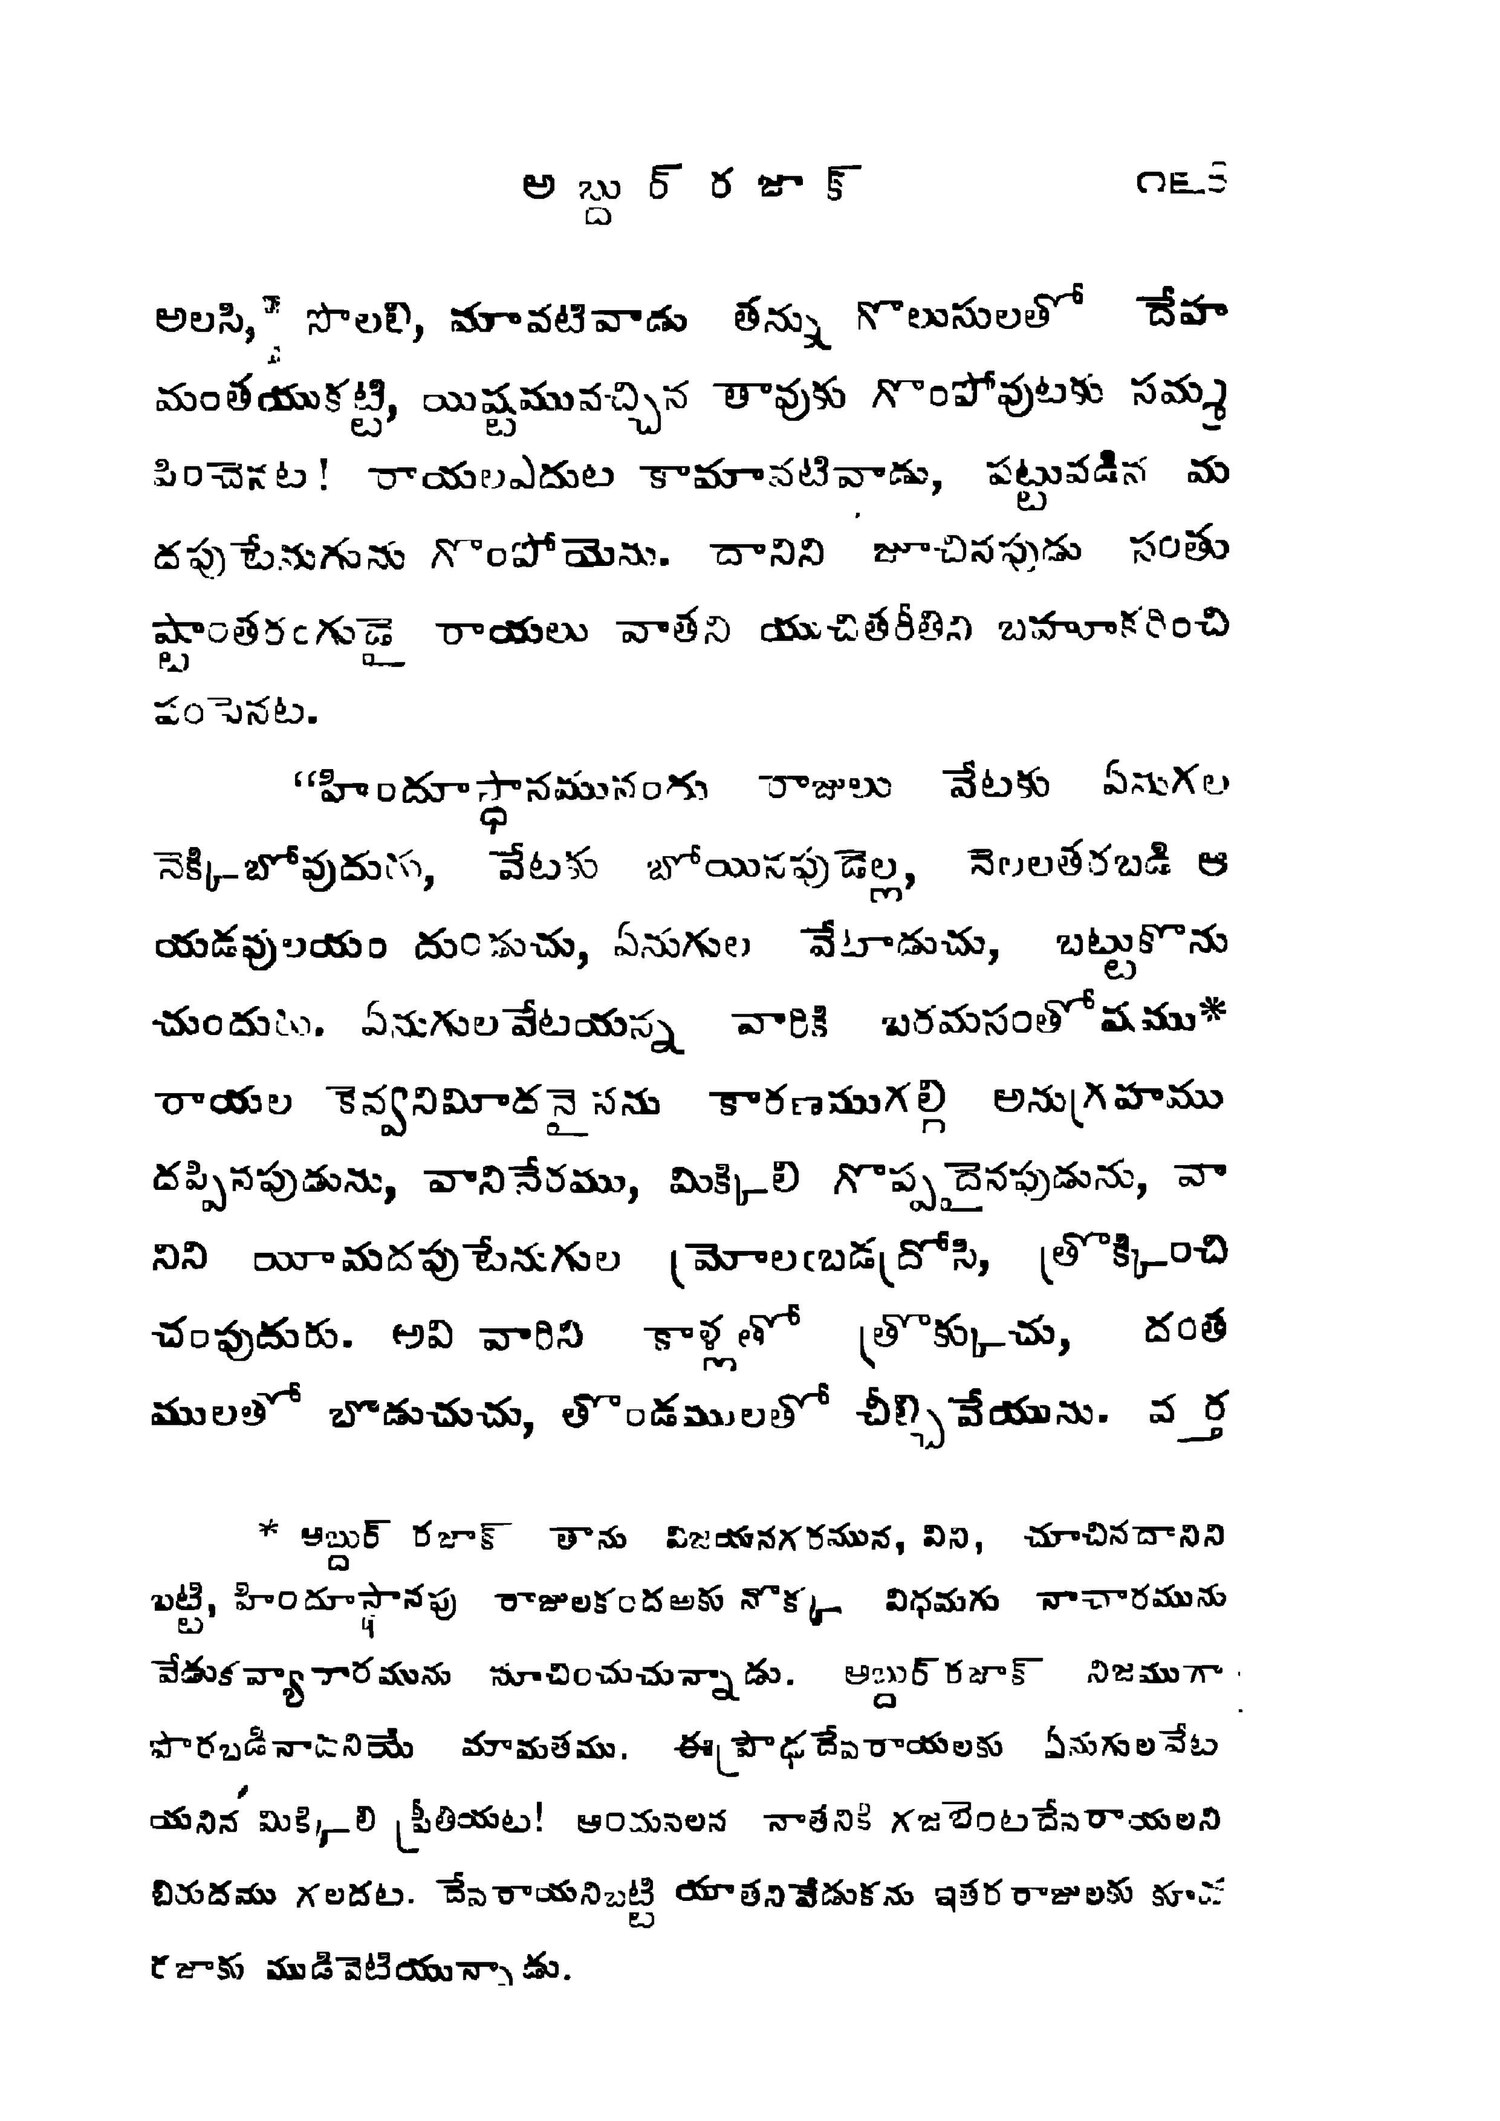అలసి, సొలలి, మావటివాడు తన్ను గొలుసులతో దేహమంతయుకట్టి, యిష్టమువచ్చిన తావుకు గొంపోవుటకు సమ్మ పించెనట! రాయలేదుట కా మావటివాడు, పట్టుబడిన మదపుటేనుగును గొంపోయెను. దానిని జూచినపుడు సంతుష్టాంతరంగుడై రాయలు వాతని యుచితరీతిని బహూకరించి పంపెనట.

"హిందూస్థానము నందు రాజులు వేటకు ఏనుగుల నెక్కిబోవుదురు, వేటకు బోయినపుడెల్ల, నెలలతరబడి ఆయడవులయం దుండుచు, ఏనుగుల వేటాడుచు, బట్టుకొనుచుందురు. ఏనుగుల వేటయన్న వారికి బరమ సంతోషము రాయల కెవ్వని మీదనైనను కారణముగల్గి అనుగ్రహము దప్పినపుడును, వానినేరము, మిక్కిలి గొప్పదైనపుడును, వానిని యీ మదపుటేనుగుల మ్రోల బడద్రోసి, త్రొక్కించి చంపుదురు. అవి వారిని కాళ్లతో త్రొక్కుచు, దంతములతో బొడుచుచు, తొండములతో చీల్చివేయును. వర్త